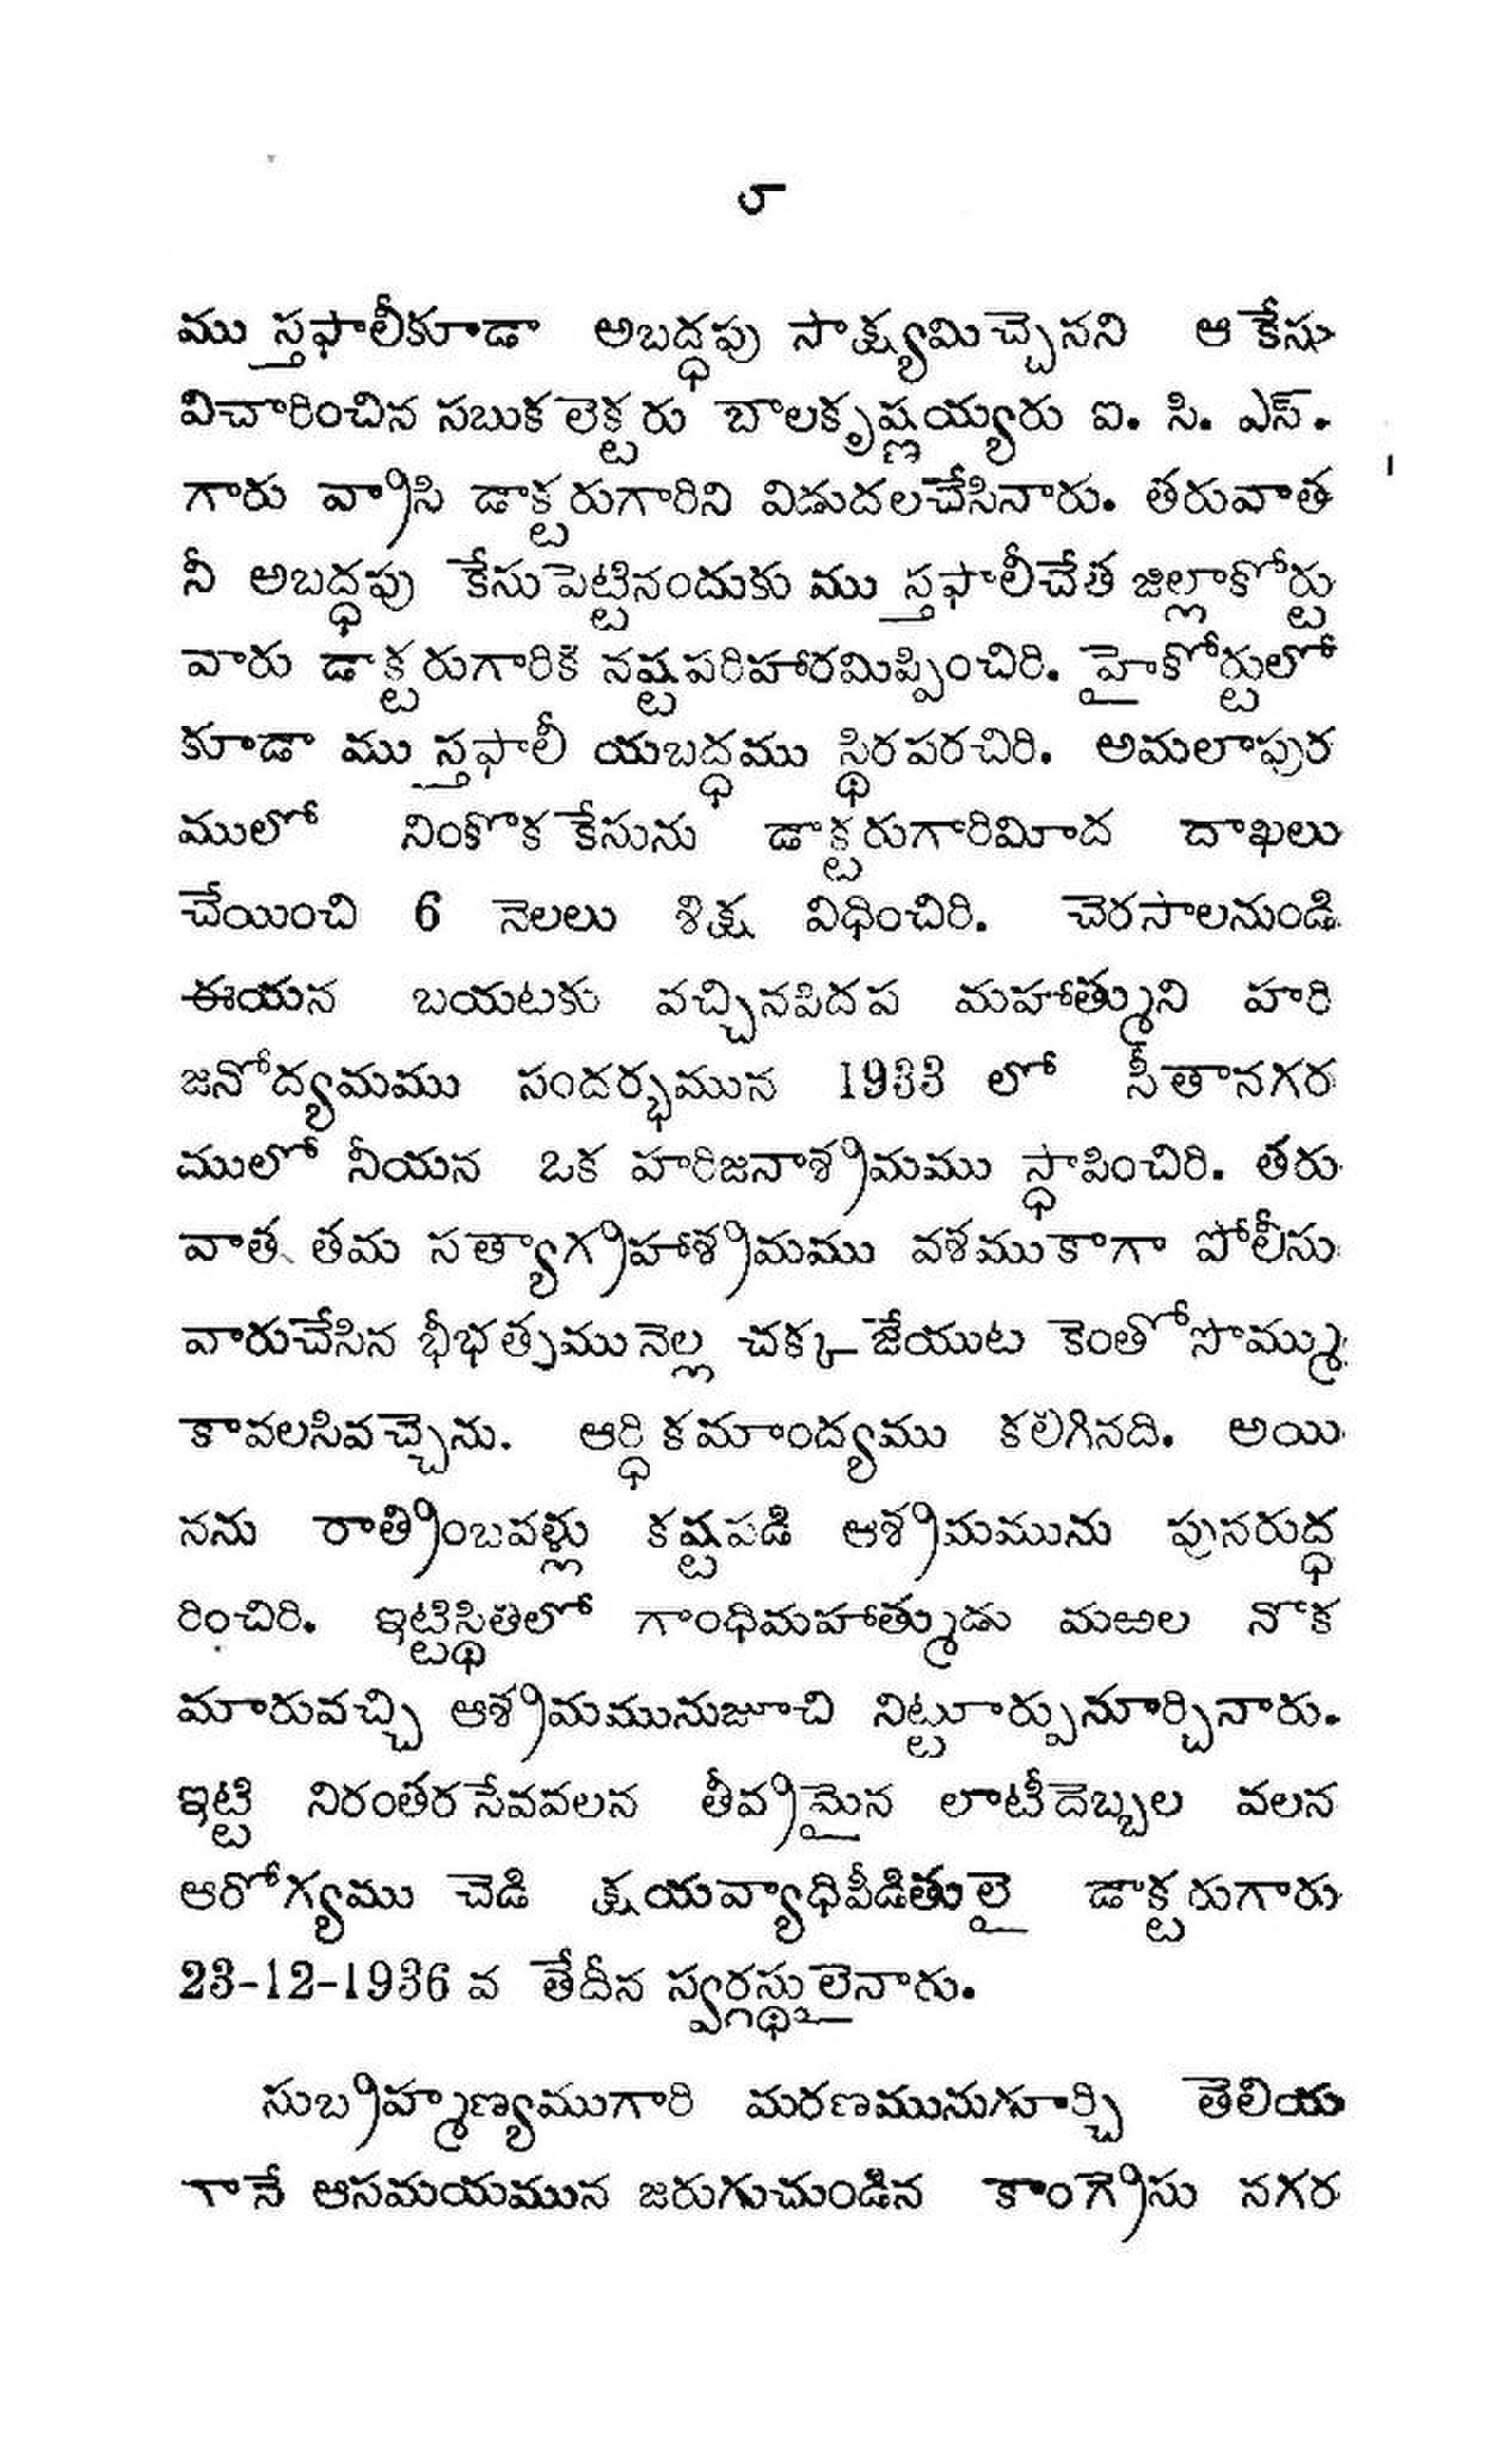ముస్తఫాలీకూడా అబద్దపు సాక్ష్యమిచ్చెనని ఆ కేసు విచారించిన సబుకలెక్టరు బాలకృష్ణయ్యరు ఐ. సి. ఎస్. గారు వ్రాసి డాక్టరుగారిని విడుదలచేసినారు. తరువాత నీ అబద్దపు కేసుపెట్టినందుకు ముస్తఫాలీచేత జిల్లాకోర్టువారు డాక్టరుగారికి నష్టపరిహారమిప్పించిరి. హైకోర్టులోకూడా ముస్తఫాలీ యబద్ధము స్థిరపరచిరి. అమలాపురములో నింకొక కేసును డాక్టరుగారిమీద దాఖలు చేయించి 6 నెలలు శిక్ష విధించిరి. చెరసాలనుండి ఈయన బయటకు వచ్చినపిదప మహాత్ముని హరిజనోద్యమము సందర్భమున 1933 లో సీతానగరములో నీయన ఒక హరిజనాశ్రమము స్థాపించిరి. తరువాత, తమ సత్యాగ్రహాశ్రమము వశముకాగా పోలీసువారుచేసిన భీభత్సమునెల్ల చక్కజేయుట కెంతోసొమ్ము కావలసివచ్చెను. ఆర్థికమాంద్యము కలిగినది. అయినను రాత్రింబవళ్లు కష్టపడి ఆశ్రమమును పునరుద్ధరించిరి. ఇట్టిస్థితిలో గాంధిమహాత్ముడు మఱల నొకమారువచ్చి ఆశ్రమమునుజూచి నిట్టూర్పునూర్చినారు. ఇట్టి నిరంతరసేవవలన తీవ్రమైన లాటీదెబ్బల వలన ఆరోగ్యము చెడి క్షయవ్యాధిపీడితులై డాక్టరుగారు 28-12-1936 వ తేదీన స్వర్గస్థులైనారు.

సుబ్రహ్మణ్యముగారి మరణమునుగూర్చి తెలియగానే ఆసమయమున జరుగుచుండిన కాంగ్రెసు నగర